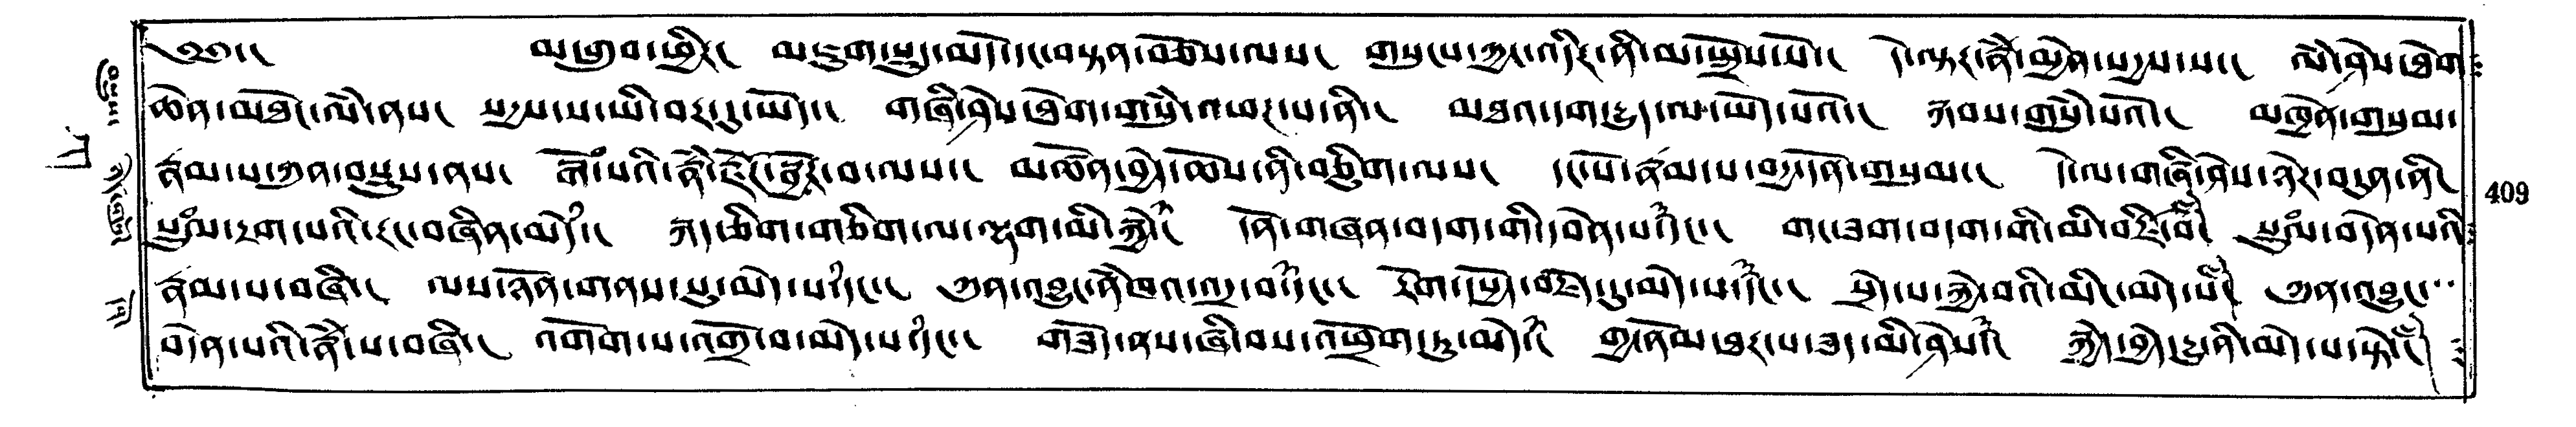མ་གྲུབ་ཕྱིར། །མཇུག་སྡུད་མདོ་དང་བསྟན་བཅོས་ལས། །གསུངས་ཀྱང་འདིར་ནི་མ་སྤྲོས་སོ། །དེ་ལྟར་རྣམ་མཁྱེན་སངས་རྒྱས་སར། །ལམ་ཤེས་ཐེག་
ཆེན་མཐོང་ལམ་ནས། །སངས་རྒྱས་ས་ཡི་བར་དུ་ཡོད། །གཞི་ཤེས་ཐེག་གསུམ་འཕགས་པ་ནི། །མཐའ་དག་རྒྱུད་ལ་ཡོད་པའོ།། སྐབས་གསུམ་པའོ།། མཁྱེན་གསུམ་
རྣམ་པ་ཀུན་བསྡུས་ནས། །སྒོམ་པའི་རྣམ་རྫོགས་སྦྱོར་བ་ལས། །མཚོན་བྱེད་ཆོས་ནི་བཅུ་གཅིག་ལས། །དང་པོ་རྣམ་པ་བརྒྱ་དོན་གསུམ། །དེ་ལ་གཞི་ཤེས་ཉེར་བདུན་ནི། །
སྡུག་བསྔལ་རྟག་པའི་རང་བཞིན་མེད། །སྐད་ཅིག་གཅིག་ལ་ལྷག་མི་སྐྱེ། །དོན་གཞན་བདག་གི་དབེན་པ་དང་། །གང་ཟག་བདག་གི་མི་བརྫི་བ། །སྡུག་བསྔལ་བདེན་པའི་
རྣམ་པ་བཞི། །ལས་ཉོན་གནས་སུ་མེད་པ་དང་། །ཀུན་འབྱུང་ནམ་མཁའ་འདྲ་བ་དང་། །རྟོག་དཔྱོད་བརྗོད་དུ་མེད་པ་དང་། །སྲེད་པ་སྐྱེ་བའི་མིང་མེད་པ། །ཀུན་འབྱུང་
བདེན་པའི་རྣམ་པ་བཞི། །འགོག་པ་འགྲོ་བ་མེད་པ་དང་། །གཟོད་ནས་ཞི་བས་འཕྲོག་ཏུ་མེད། །གྱ་ནོམ་ཐར་པ་ཟད་མི་ཤེས། །སྐྱེད་བྱེད་རྒྱུ་ནི་མེད་པ་སྟེ། །